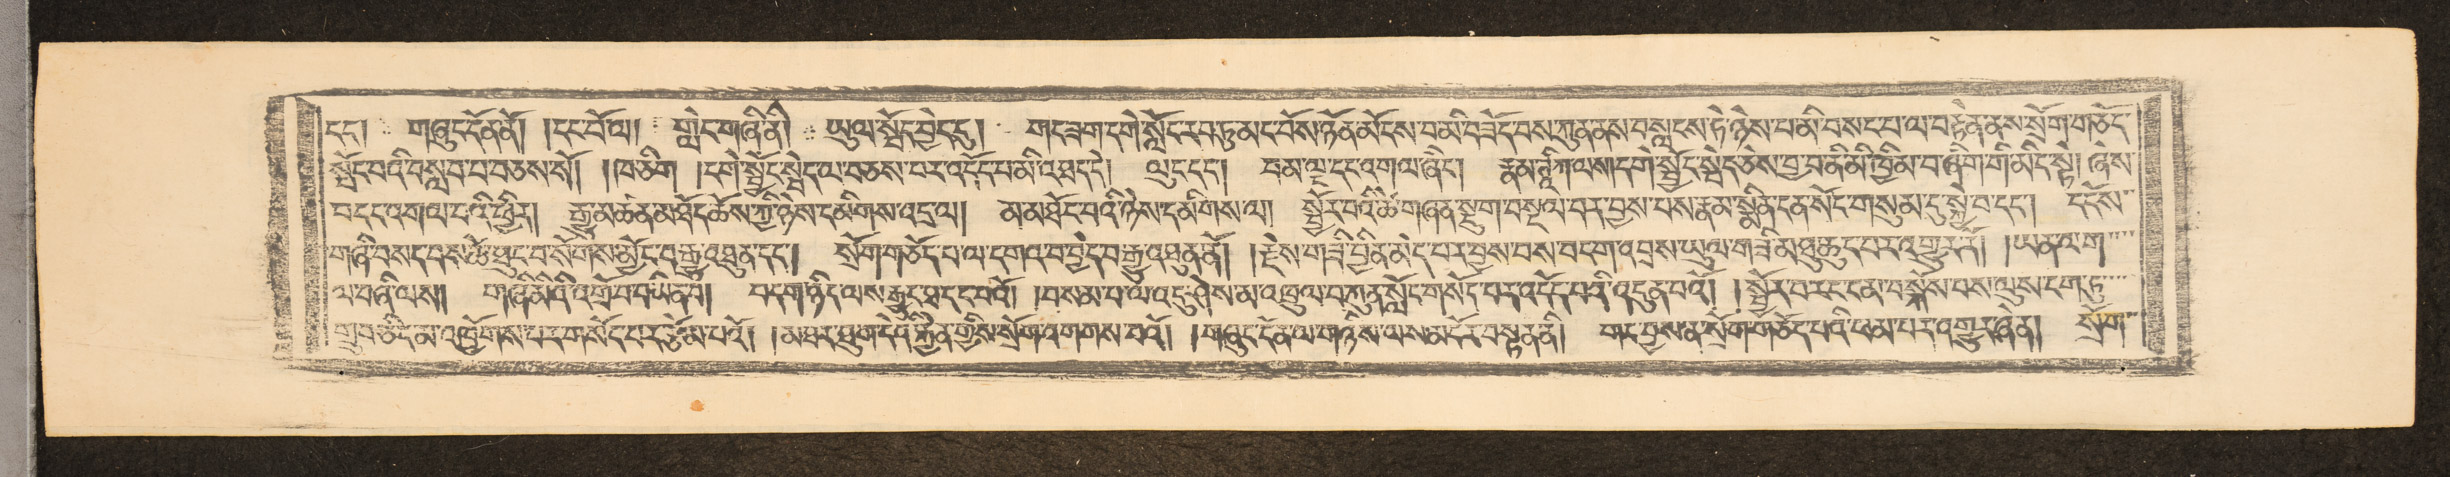དང་། གཞུང་དོན་ནོ། །དང་པོ་ལ། གླེང་གཞི་ནི། ཡུལ་སྤོང་བྱེད་དུ། གང་ཟག་དགེ་སློང་རབ་ཏུ་མང་པོས་ཉོན་མོངས་པ་མི་བཟོད་པས་ཀུན་ནས་བསླངས་ཏེ་ཉེས་པ་མི་བསང་པ་ལ་བརྟེན་ནས་སྲོག་གཅོད་
སྤོང་བའི་བསླབ་པ་བཅས་སོ། །ཁ་ཅིག །དགེ་སྦྱོང་སྦེད་ལ་བཅས་པར་འདོད་པ་མི་འཐད་དེ། ལུང་དང་། བམ་ལྔ་དང་འགལ་ཞིང་། རྣམ་ཊཱིཀ་ལས། དགེ་སྦྱོང་སྦེད་ཅེས་བྱ་བ་ནི་མི་ཁྱིམ་པ་ཞིག་གི་མིང་སྟེ། ཞེས་
པ་དང་འགལ་བའི་ཕྱིར། རྒྱུ་མཚན་མཐོང་ཆོས་ཀྱི་ཉེས་དམིགས་འདྲ་ལ། མ་མཐོང་བའི་ཉེས་དམིགས་ལ། སྦྱོར་བའི་ཚེ་གཞན་སྡུག་བསྔལ་བར་བྱས་པས་རྣམ་སྨིན་ངན་སོང་གསུམ་དུ་སྐྱེ་བ་དང་། དངོས་
གཞི་བསད་པས་ཚེ་ཐུང་བ་སོགས་མྱོང་བ་རྒྱུ་འཐུན་དང་། སྲོག་གཅོད་པ་ལ་དགའ་བ་བྱེད་པ་རྒྱུ་འཐུན་ནོ། །རྗེས་གཟི་བྱིན་མེད་པར་བྱས་པས་བདག་འབྲས་ཡུལ་གཟི་མཐུ་ཆུང་པར་འགྱུར་རོ། །ཡན་ལག་
ལ་བཞི་ལས། གཞི་མིའི་འགྲོ་བ་པ་ཡིན་པ། བདག་ཉིད་ལས་རྒྱུང་ཐ་དད་པའོ། །བསམ་པ་ལ་འདུ་ཤེས་མ་འཁྲུལ་བ་ཀུན་སློང་གསོད་པར་འདོད་པའི་འདུན་པའོ། །སྦྱོར་བ་རང་ངམ་བསྐོས་པས་ལུས་ངག་ཏུ་
གྲུབ་ཅིང་མ་འཁྱོགས་པར་གསོད་པར་རྩོམ་པའོ། །མཐར་ཐུག་དེའི་རྐྱེན་གྱིས་སྲོག་འགགས་པའོ། །གཞུང་དོན་ལ་གཉིས་ལས་མདོར་བསྟན་ནི། གང་བྱས་ན་སྲོག་གཅོད་པའི་ཕམ་པར་འགྱུར་ཞེ་ན། སྲོག་